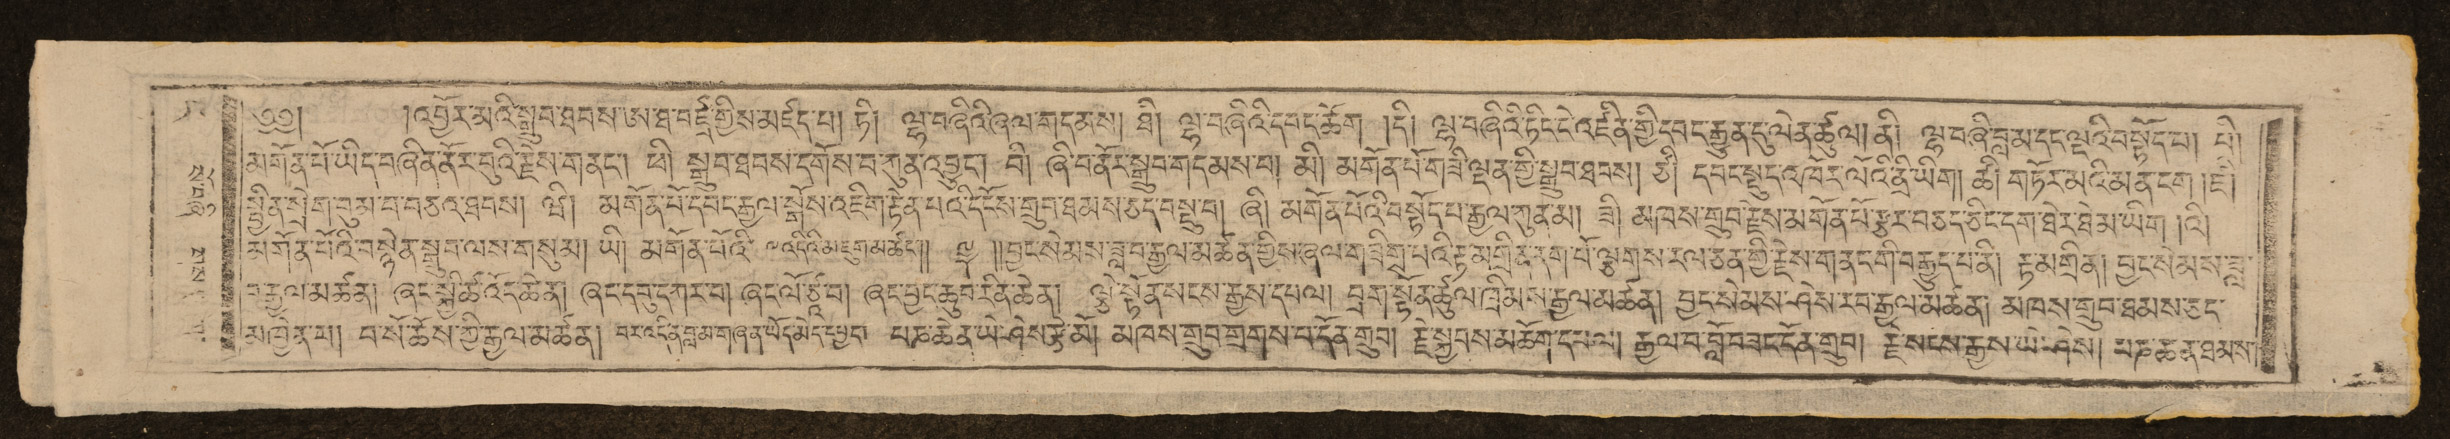༄༅། །འབྱོར་མའི་སྒྲུབ་ཐབས་ཨ་ཐ་བཛྲ་གྱིས་མཛད་པ། ཏི། ལྷ་བཞིའི་ཞལ་གདམས། ཐི། ལྷ་བཞིའི་དབང་ཆོག །དི། ལྷ་བཞིའི་ཏིང་ངེ་འཛིན་གྱི་དབང་རྒྱུན་དུ་ལེན་ཚུལ། ནི། ལྷ་བཞི་བླ་མ་དང་ལྔའི་བསྟོད་པ། པི།
མགོན་པོ་ཡིད་བཞིན་ནོར་བུའི་རྗེས་གནང་། ཕི། སྒྲུབ་ཐབས་དགོས་བ་ཀུན་འབྱུང་། བི། ཞི་བ་ནོར་སྒྲུབ་གདམས་པ། མི། མགོན་པོ་གཟི་ལྡན་གྱི་སྒྲུབ་ཐབས། ཙི། དབང་སྡུད་འཁོར་ལོའི་ནྲི་ཡིག། ཚི། གཏོར་མའི་མན་ངག །ཛི།
སྦྱིན་སྲེག་བུམ་པ་བཅའ་ཐབས། ཝི། མགོན་པོ་དབང་རྒྱལ་སྒོས་འཇིག་རྟེན་པའི་དངོས་གྲུབ་ཐམས་ཅད་བསྡུ་བ། ཞི། མགོན་པོའི་བསྟོད་པ་རྒྱལ་ཀུན་མ། ཟི། མཁས་གྲུབ་རྗེས་མགོན་པོ་རྩར་བཅད་ཅིང་དག་ཐེར་ཐེམ་ཡིག །འི།
མགོན་པོའི་བསྙེན་སྒྲུབ་ལས་གསུམ། ཡི། མགོན་པོའི་འདིའི་མཇུག་མཚང།། ༈།།བྱང་སེམས་ཟླ་བ་རྒྱལ་མཚན་གྱིས་ཞལ་གཟིགས་པའི་རྟ་མགྲིན་ནག་པོ་ལྕགས་རལ་ཅན་གྱི་རྗེས་གནང་གི་བརྒྱུད་པ་ནི། རྟ་མགྲིན། བྱང་སེམས་ཟླ་
བ་རྒྱལ་མཚན། ཞང་སྐྱི་ཚ་འོད་ཆེ་ན། ཞང་དབུ་དཀར་བ། ཞང་ལོ་ཙཱ་བ། ཞང་བྱང་ཆུབ་རིན་ཆེན། ལྕེ་སྟོན་སངས་རྒྱས་དཔལ། བྲག་སྟོན་ཚུལ་ཁྲིམས་རྒྱལ་མཚན། བྱང་སེམས་ཤེས་རབ་རྒྱལ་མཚན། མཁས་གྲུབ་ཐམས་ཅད་
མཁྱེན་པ། བ་སོ་ཆོས་ཀྱི་རྒྱལ་མཚན། བར་འདི་ན་བླ་མ་གཞན་ཡོད་མེད་དཔྱད། པཎ་ཆེན་ཡེ་ཤེས་རྩེ་མོ། མཁས་གྲུབ་གྲགས་པ་དོན་གྲུབ། རྗེ་སྐྱབས་མཆོག་དཔལ། རྒྱལ་བཟློ་བཟང་དོན་གྲུབ། རྗེ་སངས་རྒྱས་ཡེ་ཤེས། པཎ་ཆན་ཐམས་